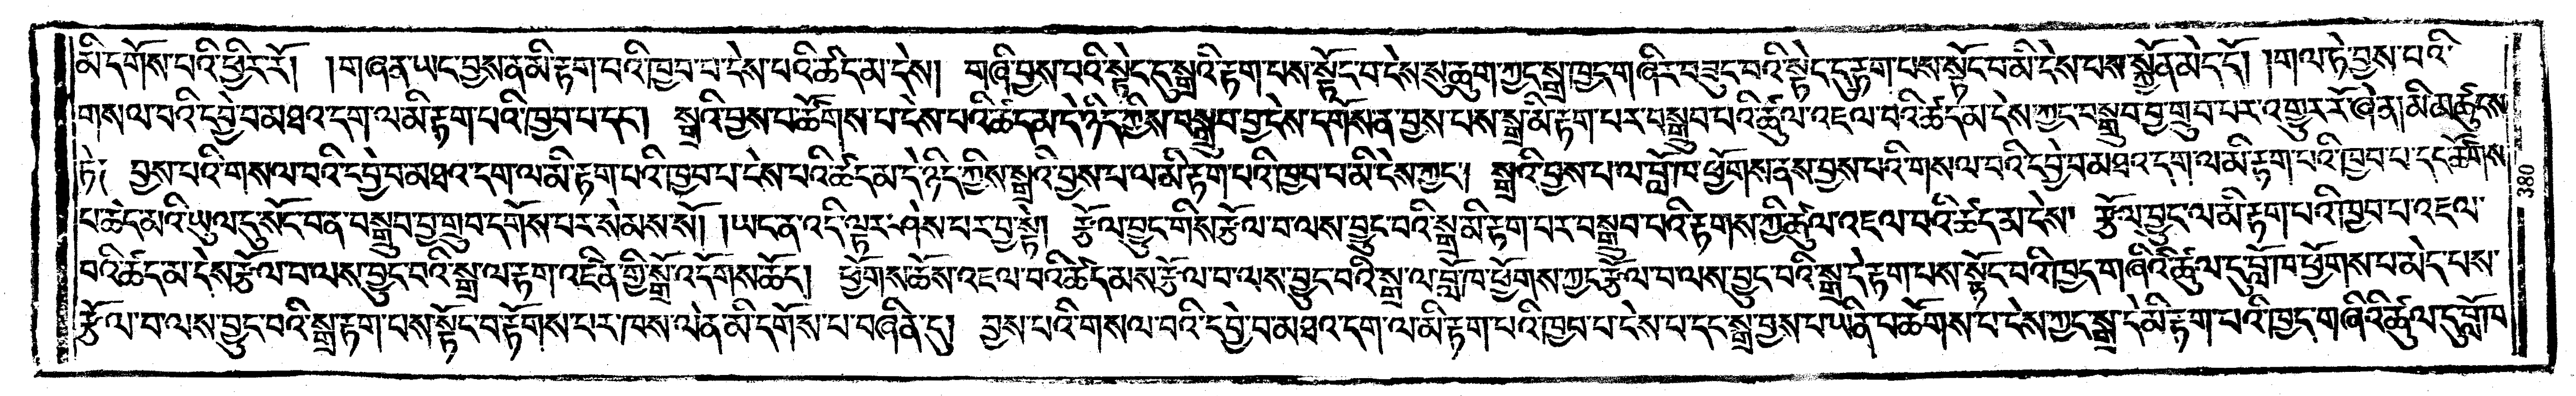མི་དགོས་པའི་ཕྱིར་རོ། །གཞན་ཡང་བྱས་ན་མི་རྟག་པའི་ཁྱབ་པ་ངེས་པའི་ཚད་མ་དེས། གཞི་བྱས་པའི་སྟེང་དུ་སྒྲའི་རྟག་པས་སྟོང་པ་ངེས་སུ་ཆུག་ཀྱང་སྒྲ་ཁྱད་གཞིར་བཟུང་བའི་སྟེང་དུ་རྟག་པས་སྟོང་པ་མི་ངེས་པས་སྐྱོན་མེད་དོ། །གལ་ཏེ་བྱས་པའི་
གསལ་བའི་དབྱེ་བ་མཐའ་དག་ལ་མི་རྟག་པའི་ཁྱབ་པ་དང་། སྒྲའི་བྱས་པ་ཚོགས་པ་ངེས་པའི་ཚད་མ་དེ་ཉིད་ཀྱིས་བསྒྲུབ་བྱ་ངེས་དགོས་ན་བྱས་པས་སྒྲ་མི་རྟག་པར་བསྒྲུབ་པའི་ཚུལ་འཇལ་བའི་ཚད་མ་ངེས་ཀྱང་བསྒྲུབ་བྱ་གྲུབ་པར་འགྱུར་རོ་ཞེ་ན། མི་མཚུངས་
ཏེ། བྱས་པའི་གསལ་བའི་དབྱེ་བ་མཐའ་དག་ལ་མི་རྟག་པའི་ཁྱབ་པ་ངེས་པའི་ཚད་མ་དེ་ཉིད་ཀྱིས་སྒྲའི་བྱས་པ་ལ་མི་རྟག་པའི་ཁྱབ་པ་མི་ངེས་ཀྱང་། སྒྲའི་བྱས་པ་ལ་བློ་ཁ་ཕྱོགས་ནས་བྱས་པའི་གསལ་བའི་དབྱེ་བ་མཐའ་དག་ལ་མི་རྟག་པའི་ཁྱབ་པ་དང་ཚོགས་
པ་ཚད་མའི་ཡུལ་དུ་སོང་བ་ན་བསྒྲུབ་བྱ་གྲུབ་དགོས་པར་སེམས་སོ། །ཡང་ན་འདི་ལྟར་ཤེས་པར་བྱ་སྟེ། རྩོལ་བྱུང་གིས་རྩོལ་བ་ལས་བྱུང་བའི་སྒྲ་མི་རྟག་པར་བསྒྲུབ་པའི་རྟགས་ཀྱི་ཚུལ་འཇལ་བའི་ཚད་མ་ངེས་རྩོལ་བྱུང་ལ་མི་རྟག་པའི་ཁྱབ་པ་འཇལ་
བའི་ཚད་མ་དེས་རྩོལ་བ་ལས་བྱུང་བའི་སྒྲ་ལ་རྟག་འཛིན་གྱི་སྒྲོ་འདོགས་ཆོད། ཕྱོགས་ཆོས་འཇལ་བའི་ཚད་མས་རྩོལ་བ་ལས་བྱུང་བའི་སྒྲ་ལ་བློ་ཁ་ཕྱོགས་ཀྱང་རྩོལ་བ་ལས་བྱུང་བའི་སྒྲ་དེ་རྟག་པས་སྟོང་པའི་ཁྱད་གཞིའི་ཚུལ་དུ་བློ་ཁ་ཕྱོགས་པ་མེད་པས་
རྩོལ་བ་ལས་བྱུང་བའི་སྒྲ་རྟག་པས་སྟོང་པ་རྟོགས་པར་ཁས་ལེན་མི་དགོས་པ་བཞིན་དུ། བྱས་པའི་གསལ་བའི་དབྱེ་བ་མཐའ་དག་ལ་མི་རྟག་པའི་ཁྱབ་པ་ངེས་པ་དང་སྒྲ་བྱས་པ་ཡིན་པ་ཚོགས་པ་ངེས་ཀྱང་སྒྲ་དེ་མི་རྟག་པའི་ཁྱད་གཞིའི་ཚུལ་དུ་བློ་ཁ་